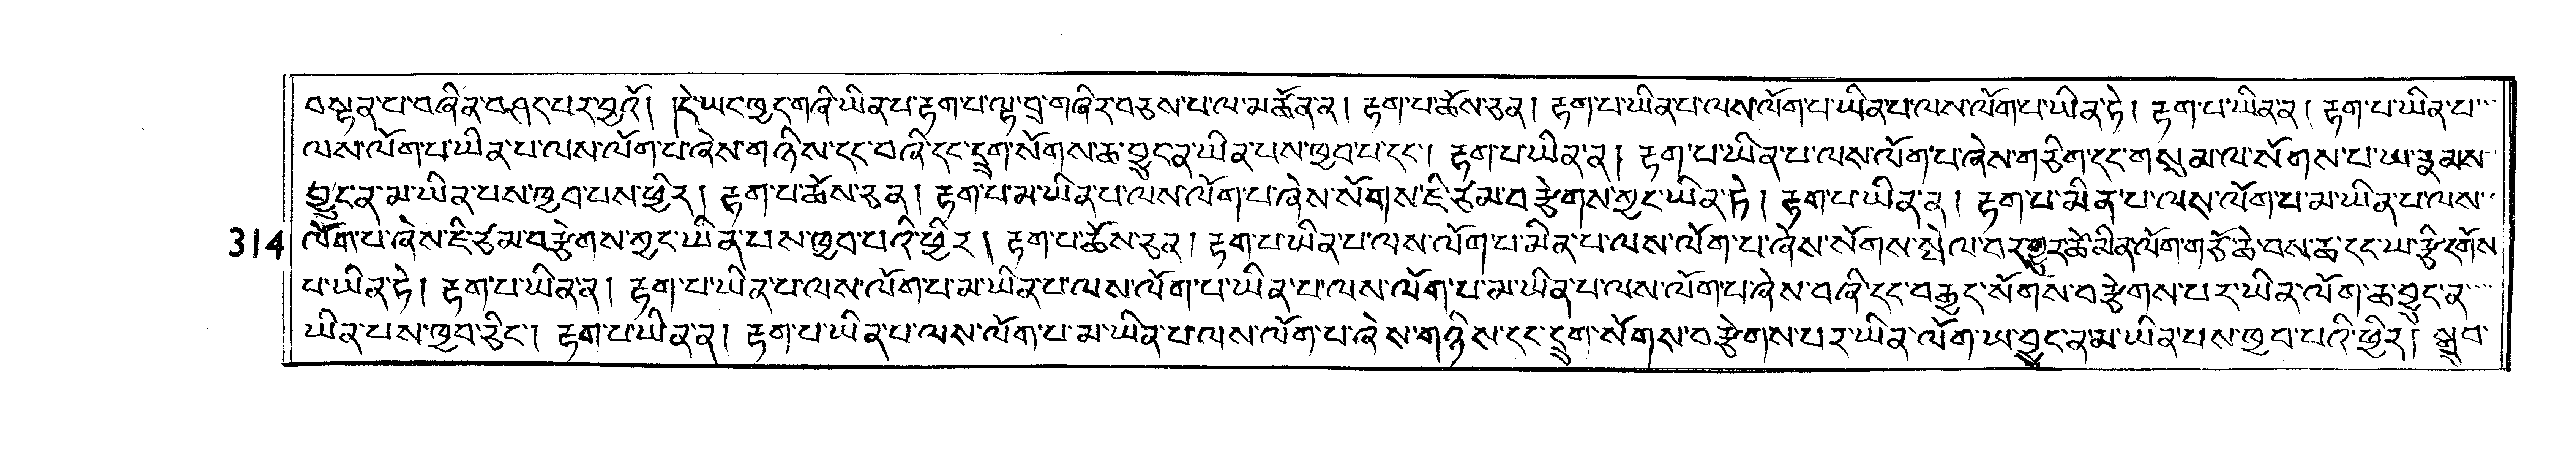བསྟན་པ་བཞིན་བཤད་པར་བྱའོ། །དེ་ཡང་ཁྱད་གཞི་ཡིན་པ་རྟག་པ་ལྟ་བུ་གཞིར་བཅས་པ་ལ་མཚོན་ན། རྟག་པ་ཆོས་ཅན། རྟག་པ་ཡིན་པ་ལས་ལོག་པ་ཡིན་པ་ལས་ལོག་པ་ཡིན་ཏེ། རྟག་པ་ཡིན་ན། རྟག་པ་ཡིན་པ་
ལས་ལོག་པ་ཡིན་པ་ལས་ལོག་པ་ཞེས་གཉིས་དང་བཞི་དང་དྲུག་སོགས་ཆ་བྱུང་ན་ཡིན་པས་ཁྱབ་པ་དང་། རྟག་པ་ཡིན་ན། རྟག་པ་ཡིན་པ་ལས་ལོག་པ་ཞེས་གཅིག་དང་གསུམ་ལ་སོགས་པ་ཡ་རྣམས་
བྱུང་ན་མ་ཡིན་པས་ཁྱབ་པས་ཕྱིར། རྟག་པ་ཆོས་ཅན། རྟག་པ་མ་ཡིན་པ་ལས་ལོག་པ་ཞེས་སོགས་ཇི་ཙམ་བརྩེགས་ཀྱང་ཡིན་ཏེ། རྟག་པ་ཡིན་ན། རྟག་པ་མིན་པ་ལས་ལོག་པ་མ་ཡིན་པ་ལས་
ལོག་པ་ཞེས་ཇི་ཙམ་བརྩེགས་ཀྱང་ཡིན་པས་ཁྱབ་པའི་ཕྱིར། རྟག་པ་ཆོས་ཅན། རྟག་པ་ཡིན་པ་ལས་ལོག་པ་མིན་པ་ལས་ལོག་པ་ཞེས་སོགས་སྤེལ་བར་གྱུར་ཚེ་མིན་ལོག་གཙོ་ཆེ་བས་ཆ་དང་ཡ་རྩི་དགོས་
པ་ཡིན་ཏེ། རྟག་པ་ཡིན་ན། རྟག་པ་ཡིན་པ་ལས་ལོག་པ་མ་ཡིན་པ་ལས་ལོག་པ་ཡིན་པ་ལས་ལོག་པ་མ་ཡིན་པ་ལས་ལོག་པ་ཞེས་བཞི་དང་བརྒྱད་སོགས་བརྩེགས་པར་ཡིན་ལོག་ཆ་བྱུང་ན་
ཡིན་པས་ཁྱབ་ཅིང་། རྟག་པ་ཡིན་ན། རྟག་པ་ཡིན་པ་ལས་ལོག་པ་མ་ཡིན་པ་ལས་ལོག་པ་ཞེས་གཉིས་དང་དྲུག་སོགས་བརྩེགས་པར་ཡིན་ལོག་ཡ་བྱུང་ན་མ་ཡིན་པས་ཁྱབ་པའི་ཕྱིར། སྒྲུབ་